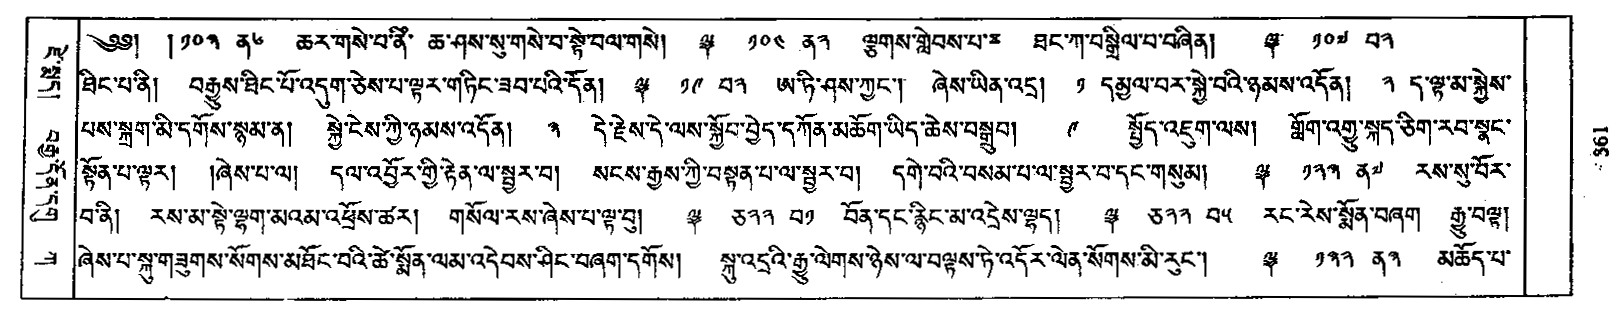༄༅། །༡༠༣་ན ༦་ཆར་གསེ་བ་ནི་ཆ་ཤས་སུ་གསེ་བ་སྟེ་བལ་གསེ། ༈ ༡༠༤་ན ༢་ལྕགས་གླེབས་པ་྾་ཐང་ཀ་བསྒྲིལ་བ་བཞིན། ༈ ༡༠༧་བ ༢
ཐིང་པ་ནི། བརྒྱུས་ཐིང་པོ་འདུག་ཅེས་པ་ལྟར་གཏིང་ཟབ་པའི་དོན། ༈ ༡༩་བ ༢་ཨ་ཏི་ཤས་ཀྱང་། ཞེས་ཡིན་འདྲ། ༡་དམྱལ་བར་སྐྱེ་བའི་ཉམས་འདོན། ༢་ད་ལྟ་མ་སྐྱེས་
པས་སྐྲག་མི་དགོས་སྙམ་ན། སྐྱེ་ངེས་ཀྱི་ཉམས་འདོན། ༣་དེ་རྗེས་དེ་ལས་སྐྱོབ་བྱེད་དཀོན་མཆོག་ཡིད་ཆེས་བསྒྲུབ། ༩་སྤྱོད་འཇུག་ལས། གློག་འགྱུ་སྐད་ཅིག་རབ་སྣང་
སྟོན་པ་ལྟར། །ཞེས་པ་ལ། དལ་འབྱོར་གྱི་རྟེན་ལ་སྦྱར་བ། སངས་རྒྱས་ཀྱི་བསྟན་པ་ལ་སྦྱར་བ། དགེ་བའི་བསམ་པ་ལ་སྦྱར་བ་དང་གསུམ། ༈ ༡༢༣་ན ༧་རས་སུ་བོར་
བ་ནི། རས་མ་སྟེ་ལྷག་མའམ་འཕྲོས་ཚར། གསོལ་རས་ཞེས་པ་ལྟ་བུ། ༈ ཅ ༢༢་བ ༡་བོན་དང་རྙིང་མ་འདྲེས་ལྷད། ༈ ཅ ༢༢་བ ༥་རང་རེས་སྨོན་བཞག་རྒྱུ་བལྟ།
ཞེས་པ་སྐུ་གཟུགས་སོགས་མཐོང་བའི་ཚེ་སྨོན་ལམ་འདེབས་ཤིང་བཞག་དགོས། སྐུ་འདྲའི་རྒྱུ་ལེགས་ཉེས་ལ་བལྟས་ཏེ་འདོར་ལེན་སོགས་མི་རུང་། ༈ ༡༣༢་ན ༣་མཆོད་པ་